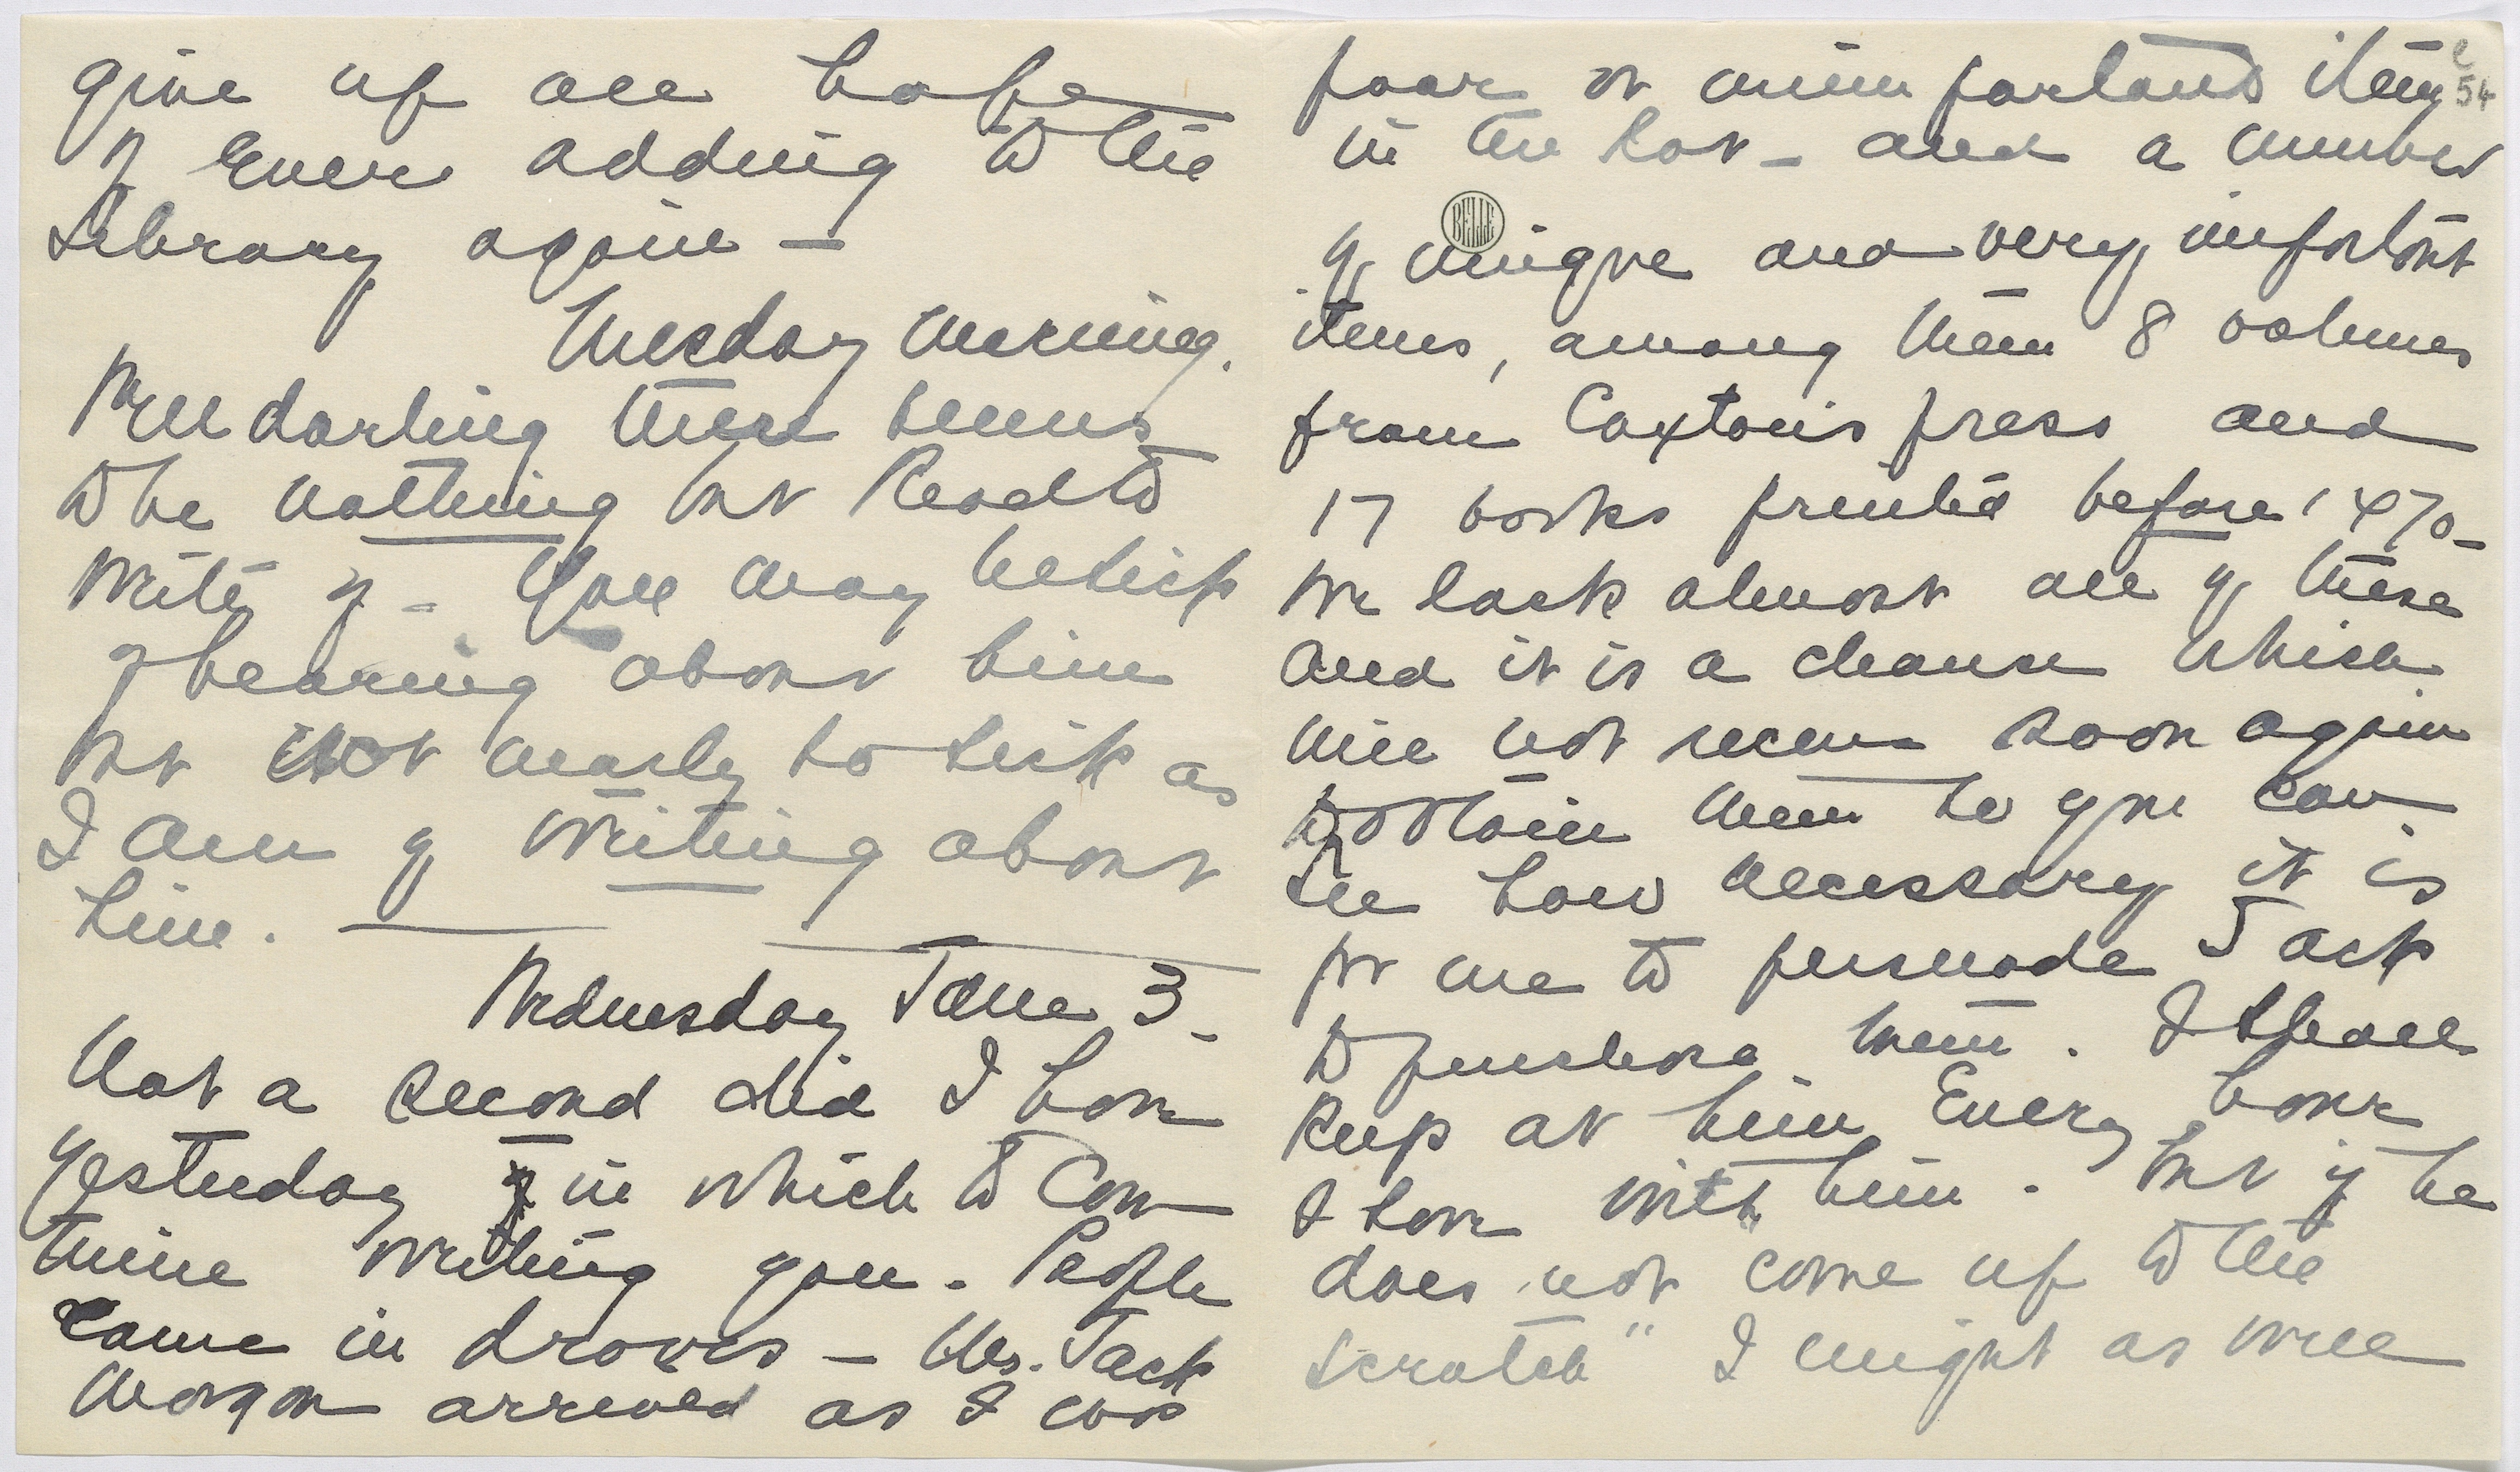poor or unimportant item in the lot – and a number of unique and very important items, among them 8 volumes from Caxton’s press and 17 books printed before 1470 – We lack almost all of these and it is a chance which will not recur soon again to obtain them so you can see how necessary it is for me to persuade Jack to purchase them. I shall keep at him every hour I have with him. but if he does “not come up to the scratch” I might as well
give up all hope of ever adding to the Library again –
Tuesday morning.
Well darling there seems to be nothing by Read to write of – You may be sick of hearing about him but not nearly so sick as I am of writing about him. –
Wednesday June 3 –
Not a second did I have yesterday of in which to continue writing you – People came in droves– Mr. Jack Morgan arrived as I was